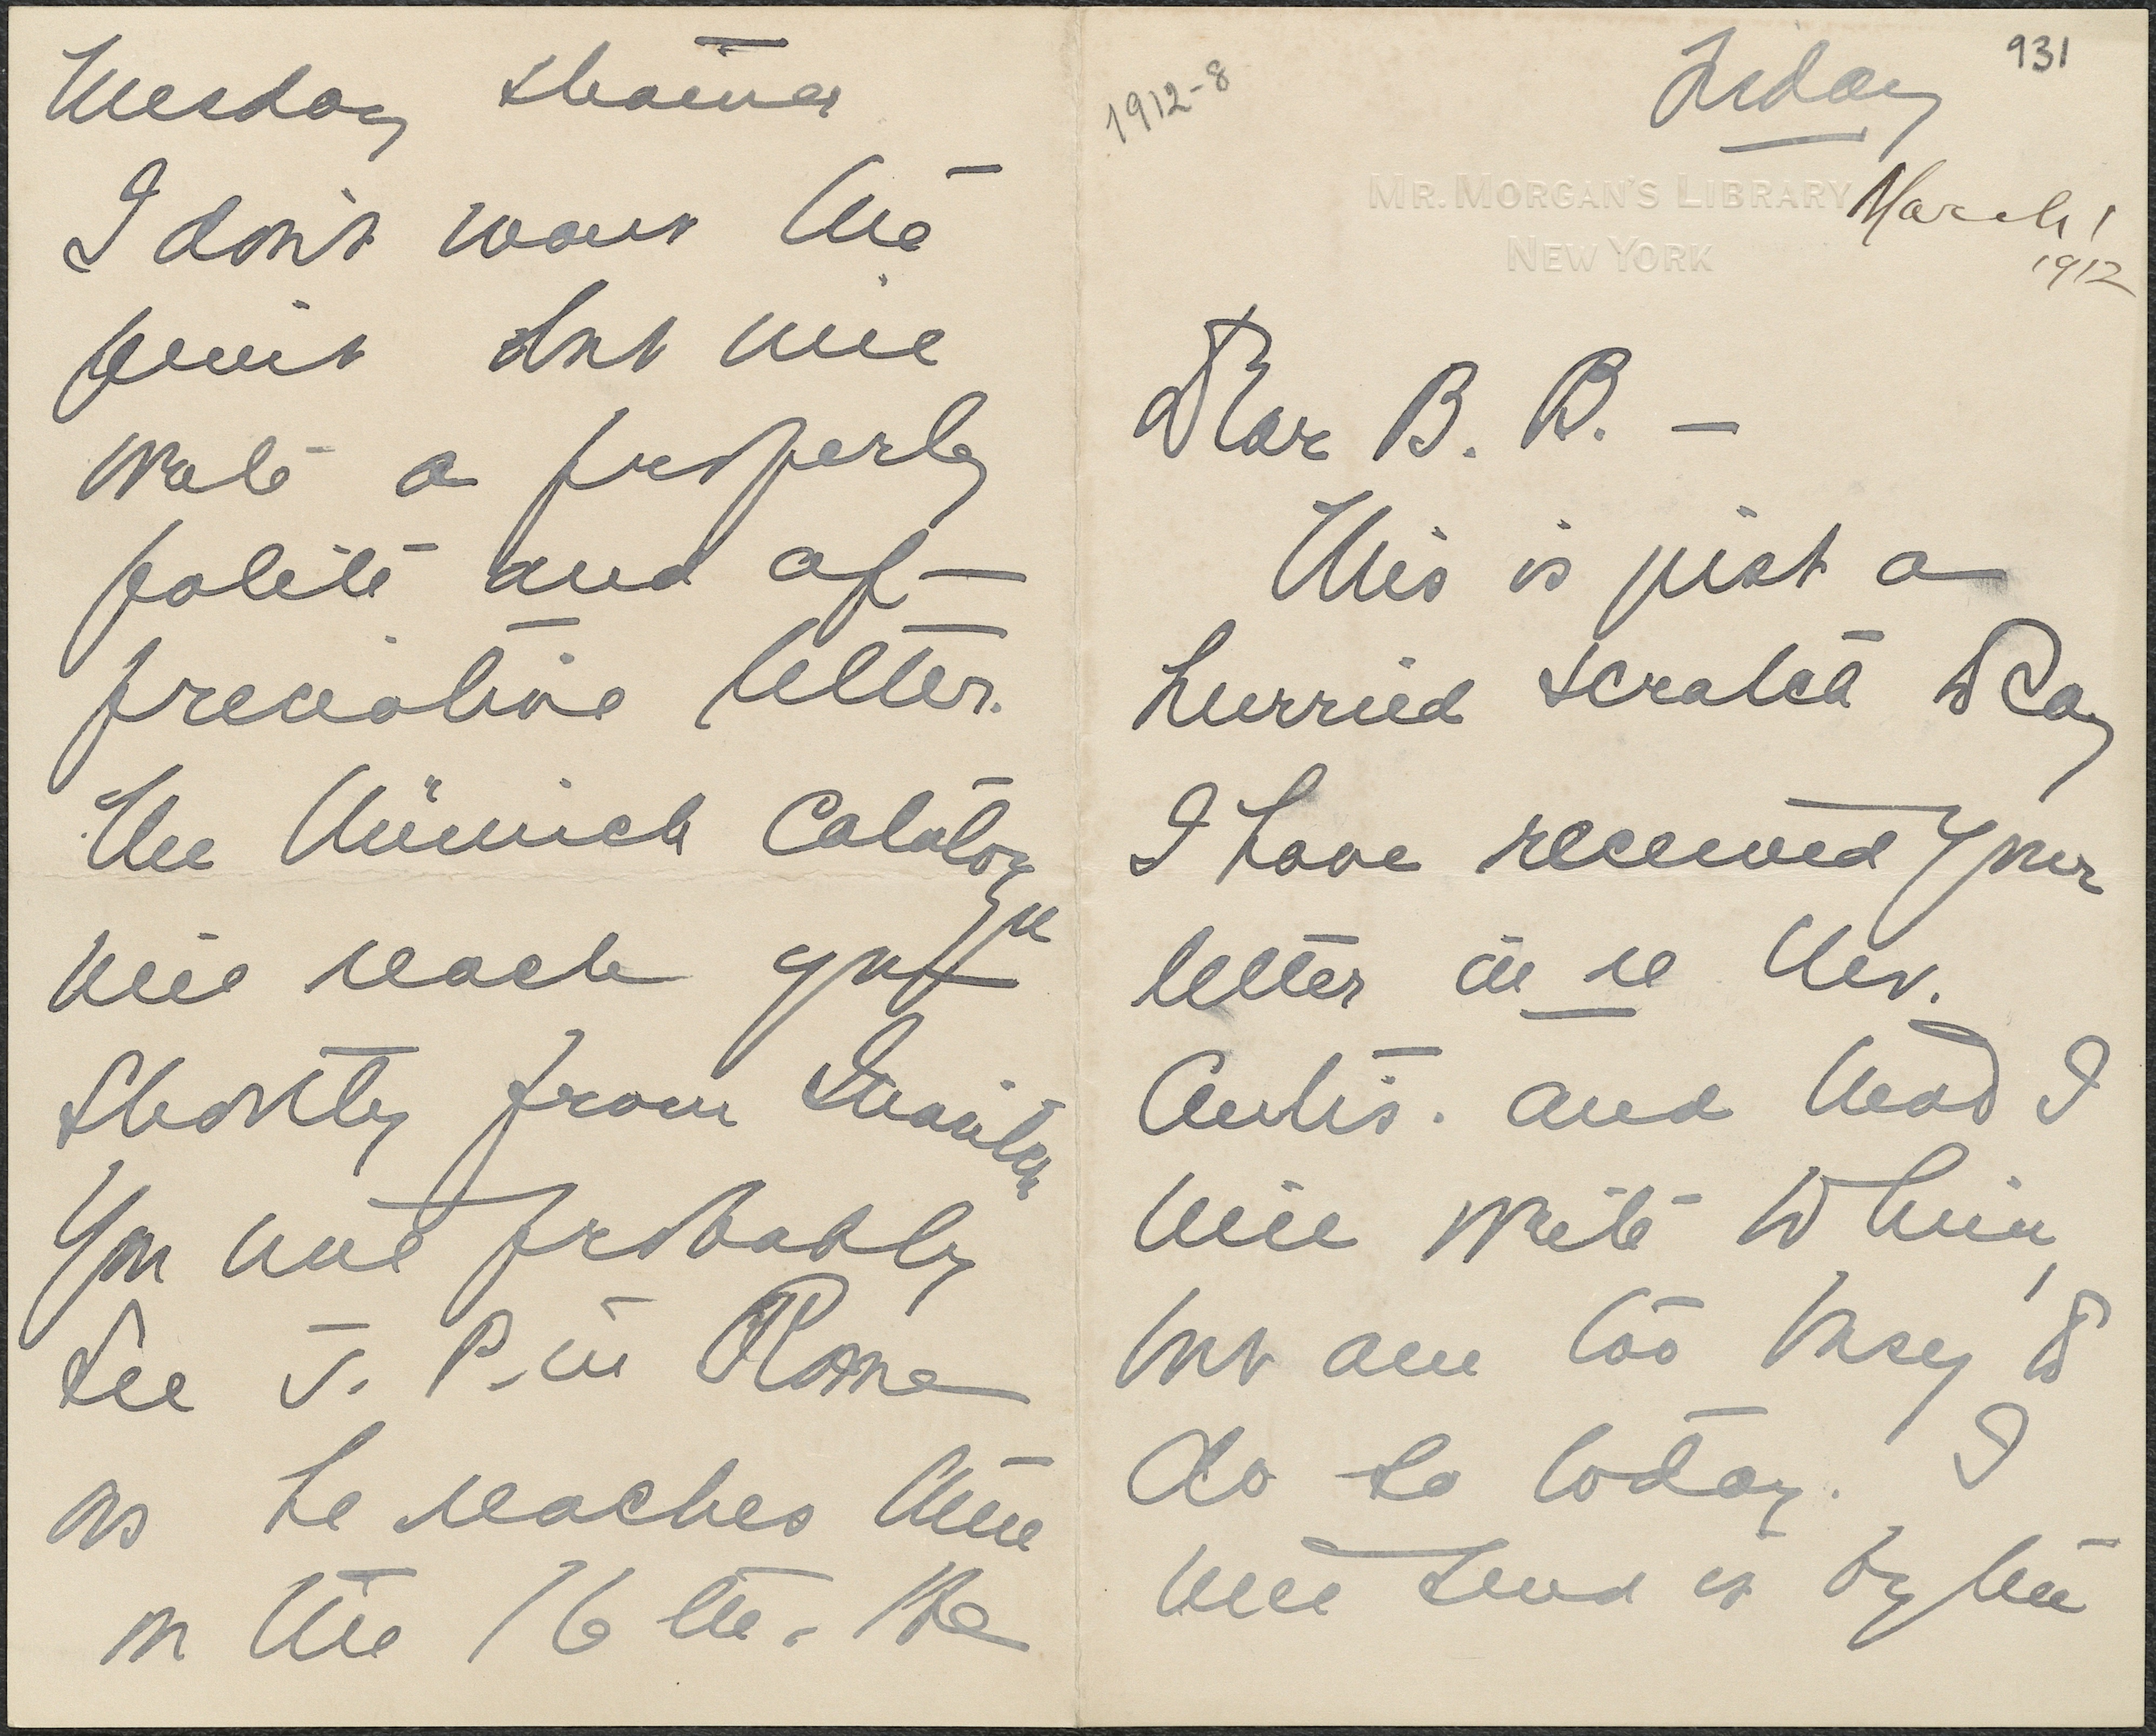Friday
Dear B. B. –
This is just a hurried scratch to say I have received your letter in re Mr. Curtis. and that I will write to him, but am too busy to do so today. I will send it by the
Tuesday steamer
I don’t want the print but will write a properly polite and appreciative letter.
The Munich Catalogue will reach you shortly from Quaritch You will probably see J. P. in Rome as he reaches there on the 16th. He